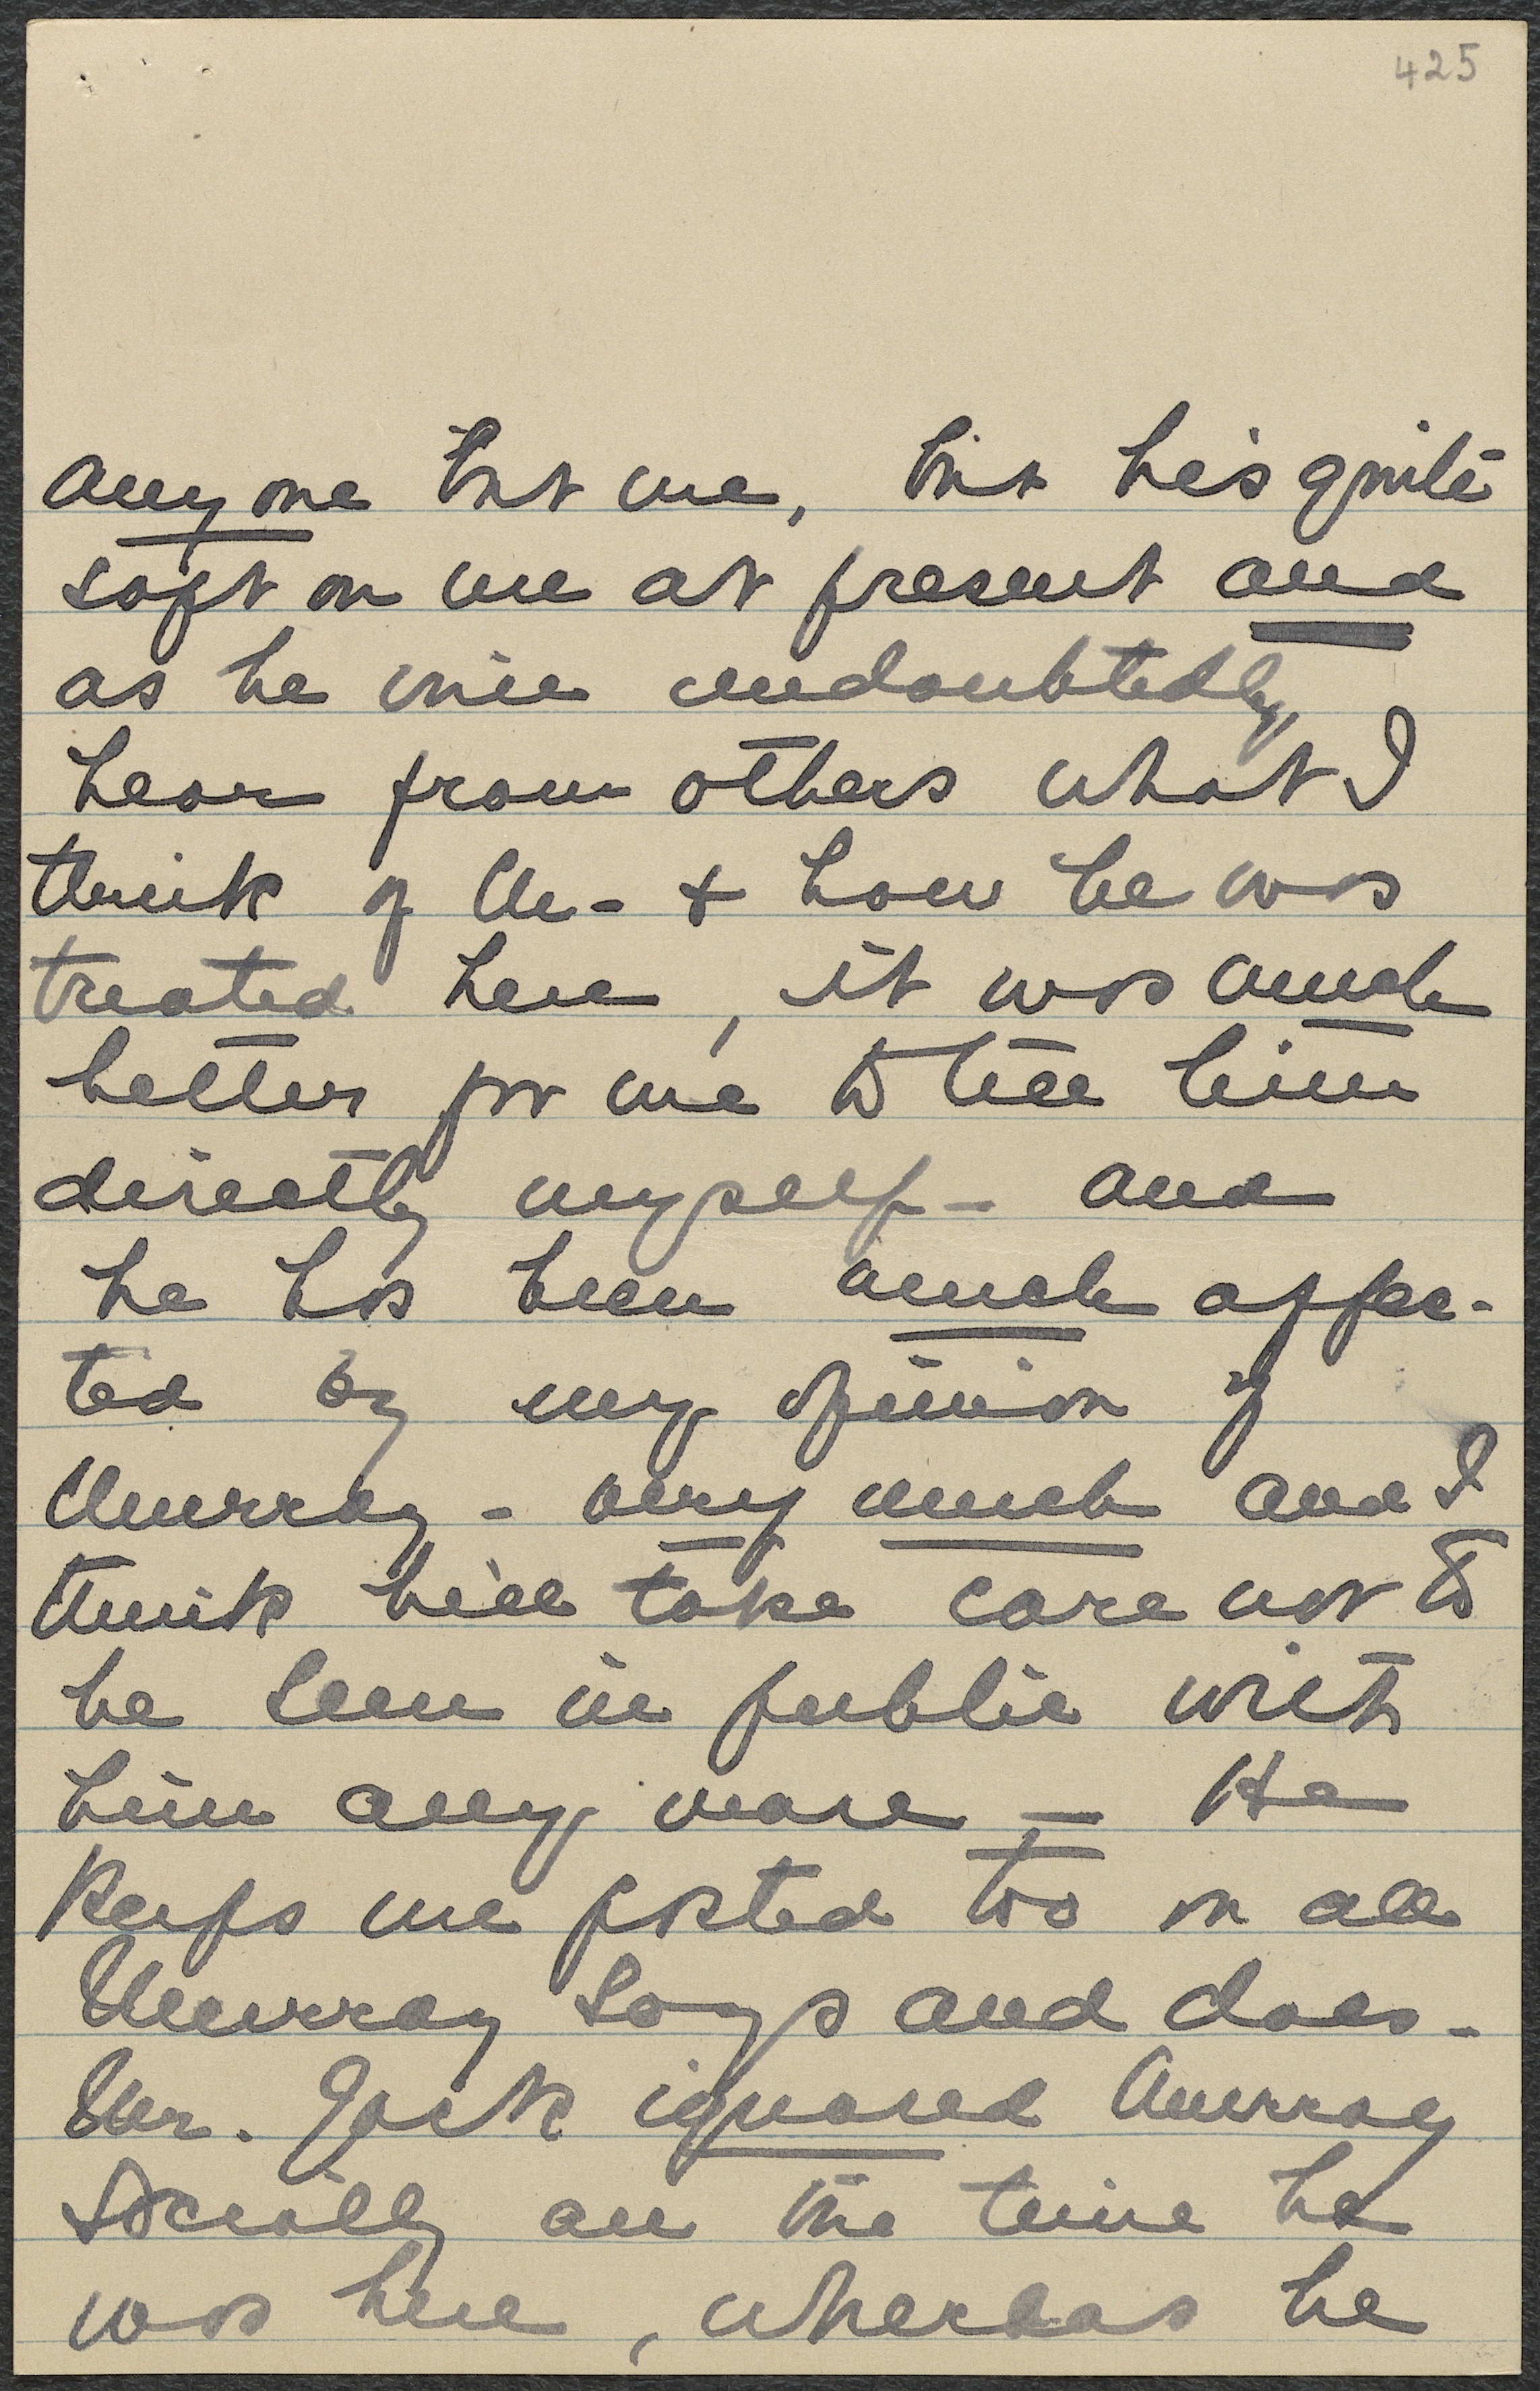anyone but me, but he’s quite soft on me at present [double underlined: and] as he will undoubtedly hear from others what I think of M – & how he was treated here, it was much better for me to tell him directly myself – and he has been much affected by my opinion of Murray – very much and I think he’ll take care not to be seen in public with him any more – He keeps me posted too on all Murray says and does – Mr. Jack ignored Murray socially all the time he was here, whereas he